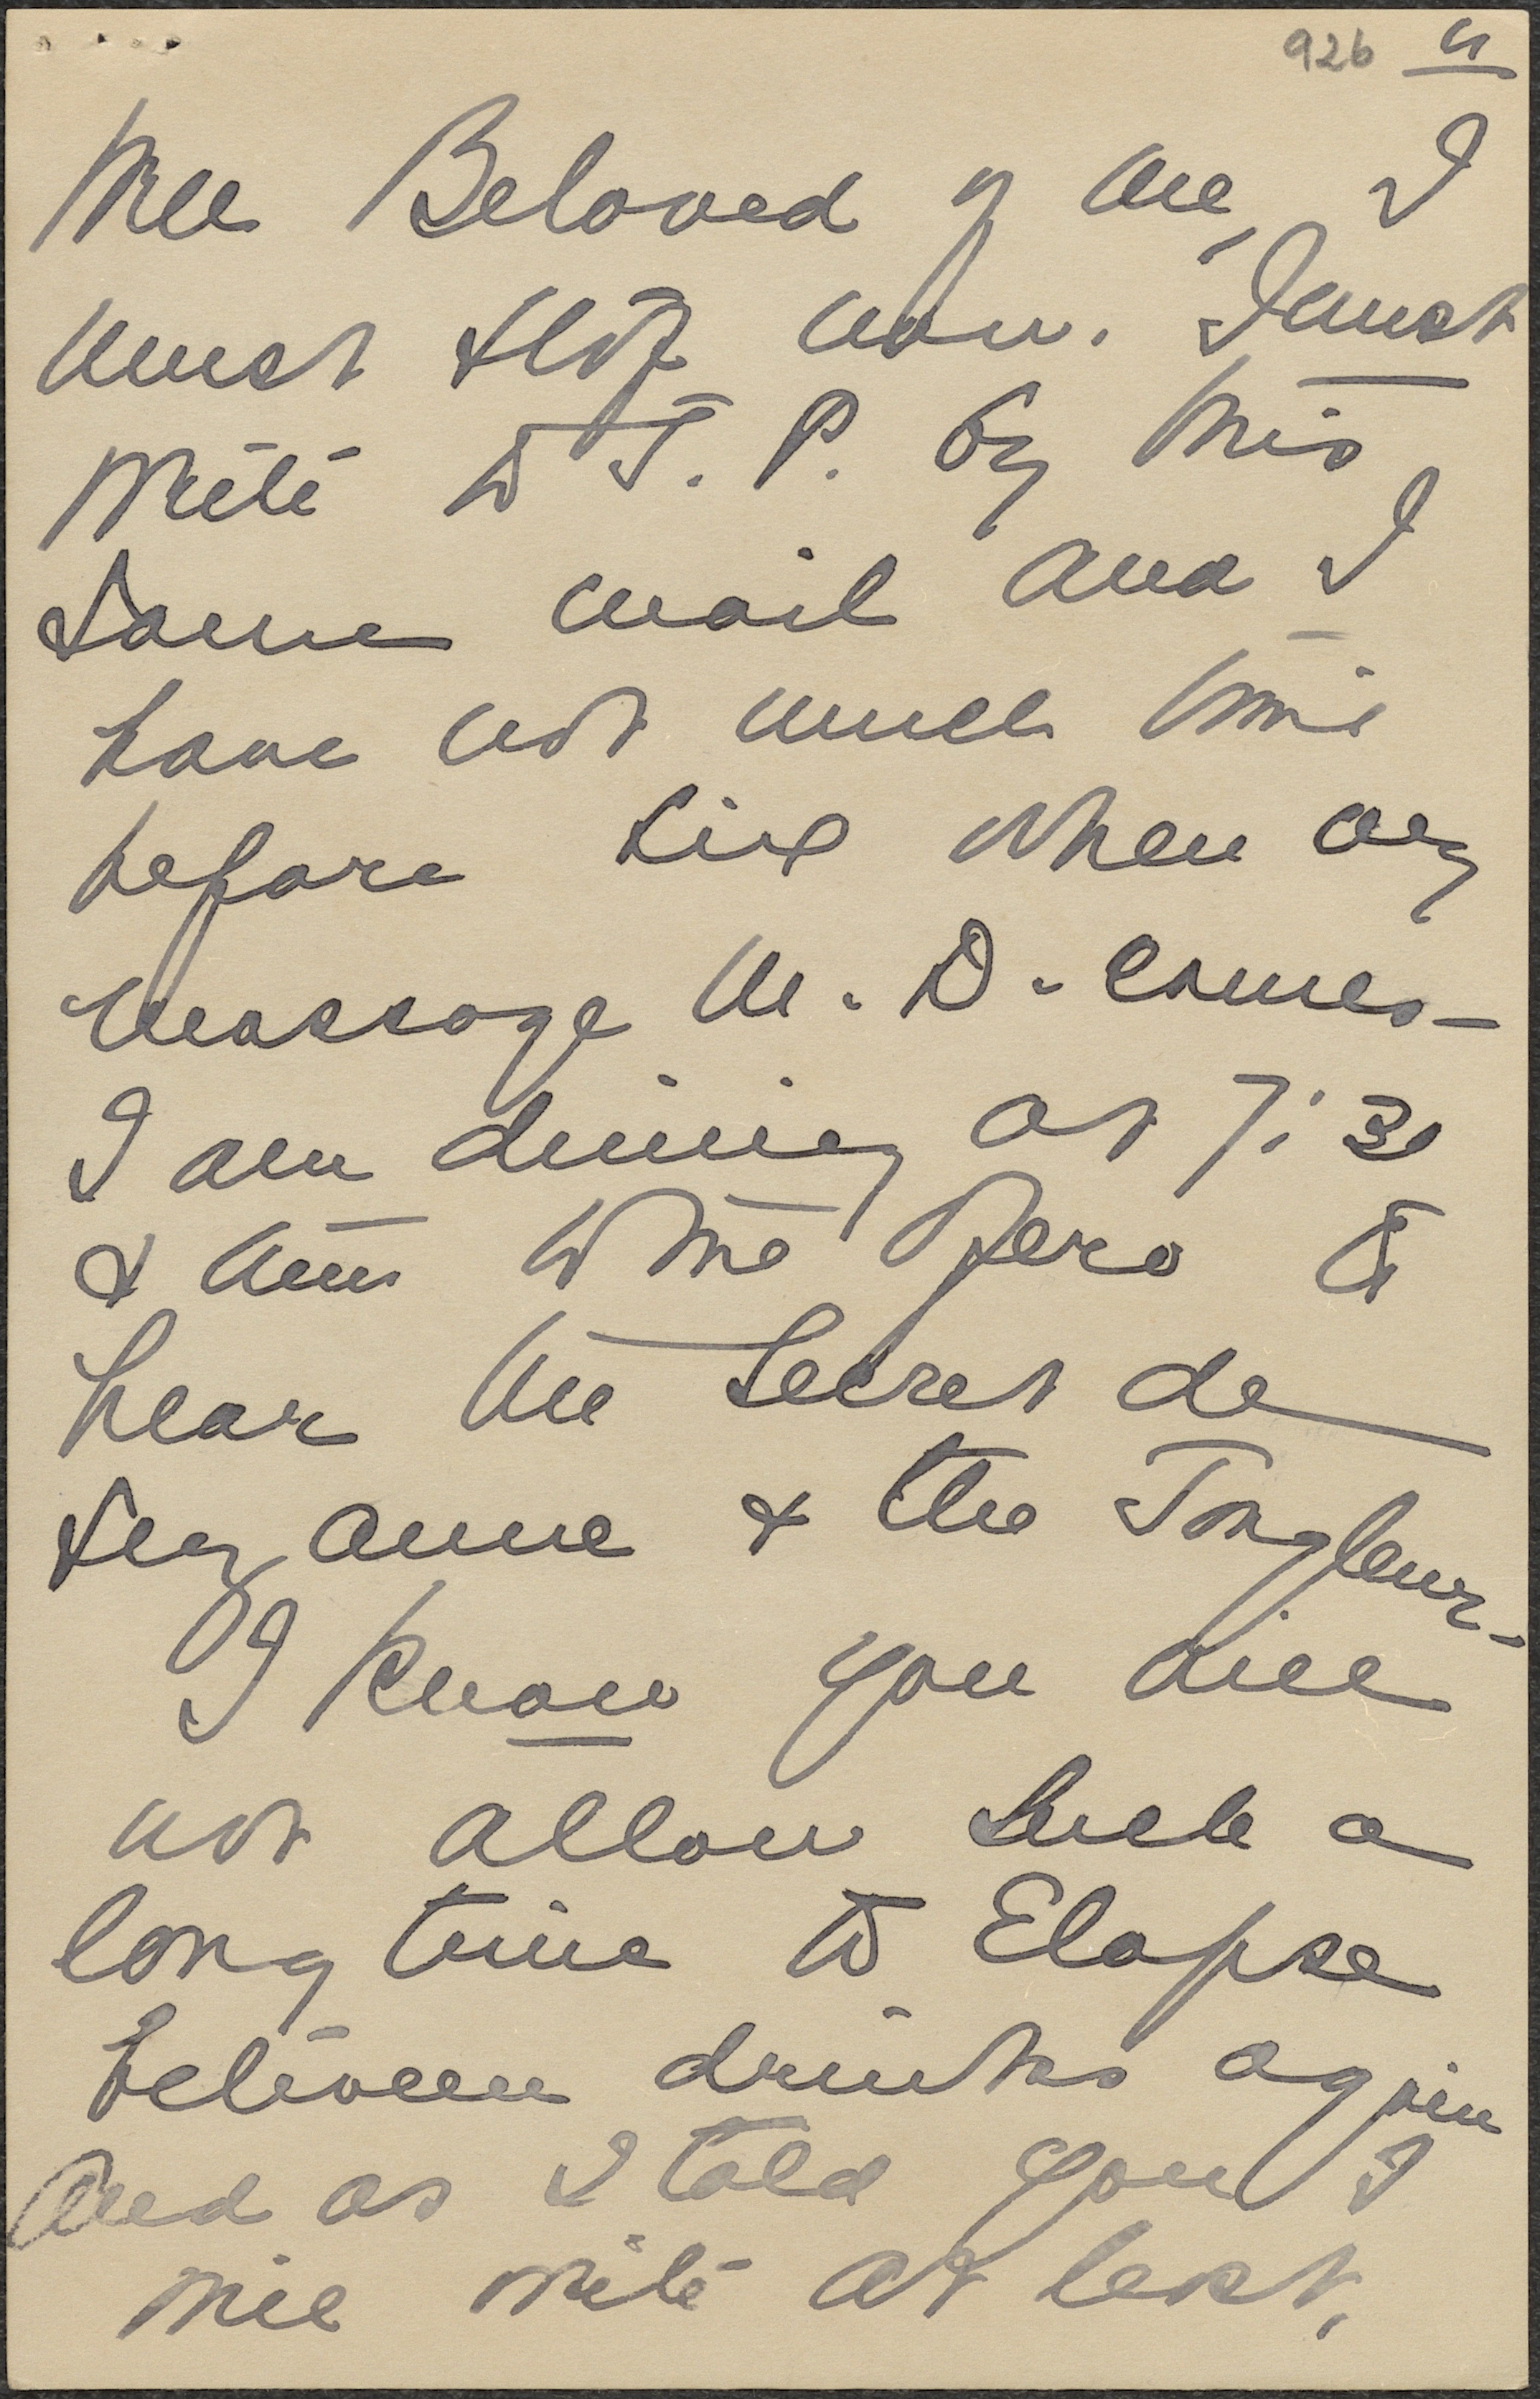9
Well Beloved of me, I must stop now. I must write to J. P. by his same mail and I have not much time before six when my massage M.D. comes – I am dining at 7:30 & then to the opera to hear the Secret de Suzanne & the Jongleur –
I know you will not allow such a long time to elapse between drinks again and as I told you I will write at least,